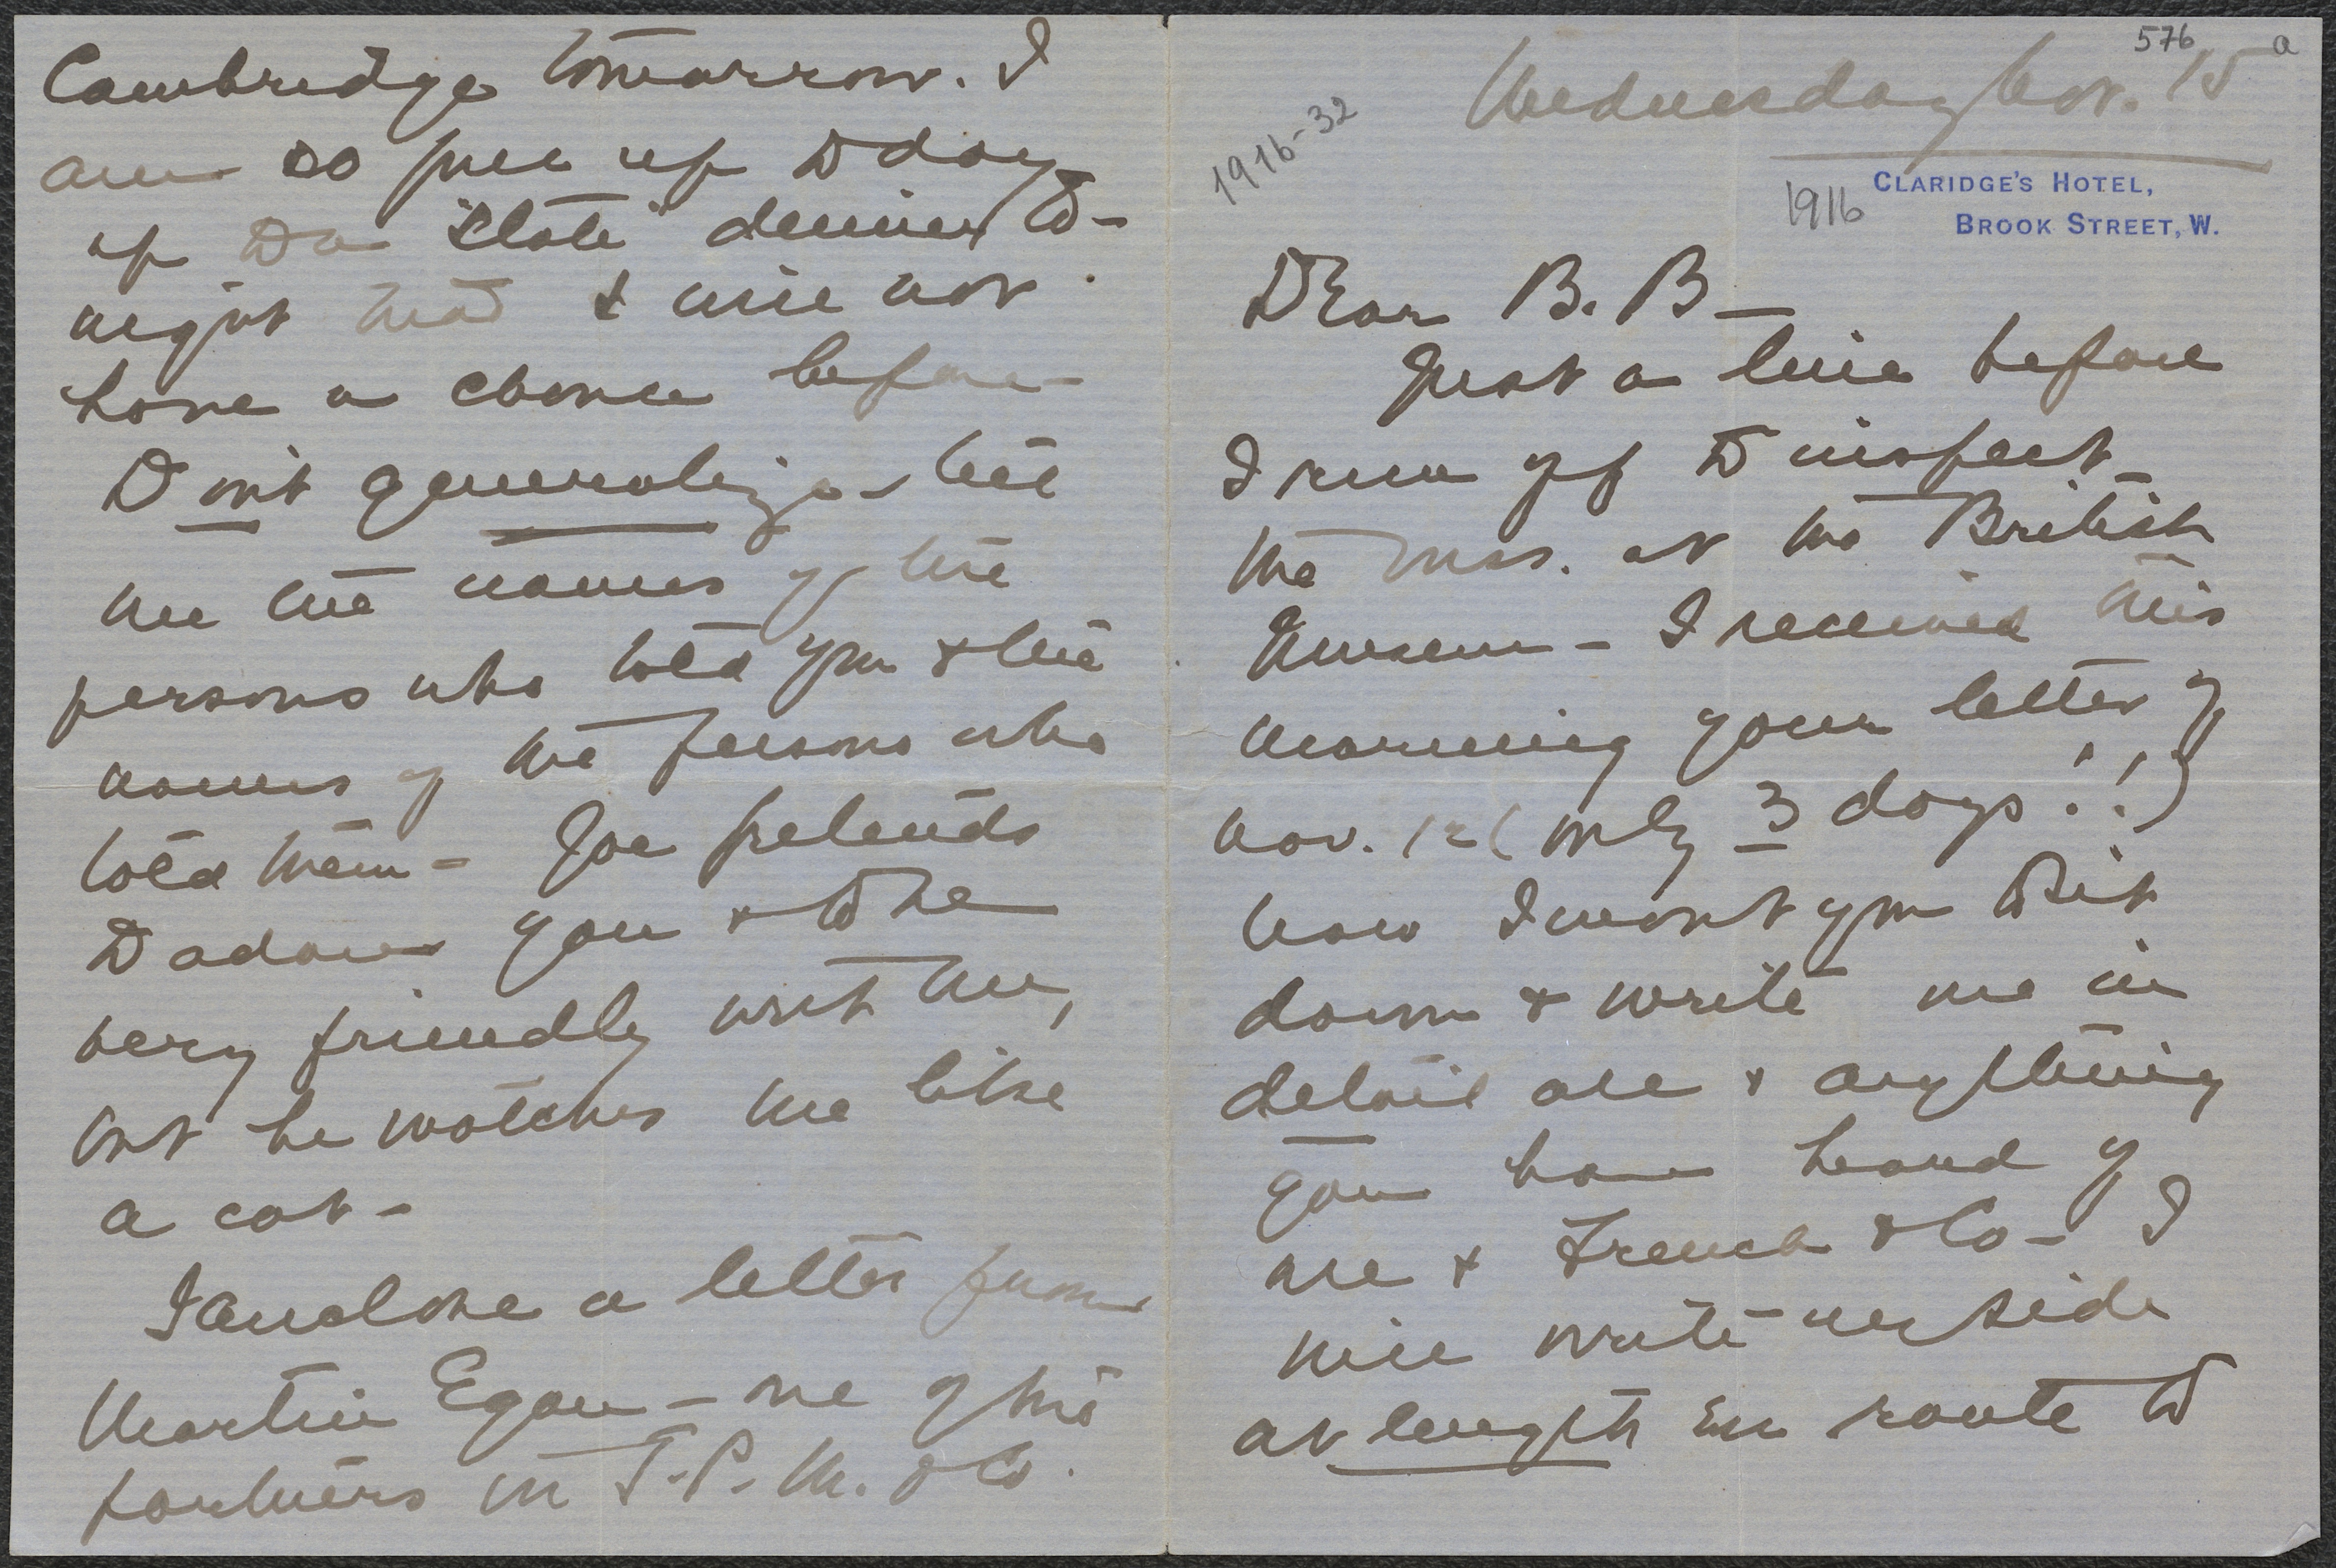Wednesday Nov. 15
Dear B.B –
Just a line before I run off to inspect the mss. in the British Museum – I received this morning your letter of Nov. 12 (only 3 days!!) now I want you to sit down & write me in detail all & anything you have heard of me & French & Co – I will write inside at length en route to
Cambridge tomorrow. I am so full up today – up to a state dinner tonight that I will not have a chance before – Don’t generalize – tell me the names of persons who told you & the names of persons who told them – Joe pretends to adore you & to be very friendly with me, but he watches me like a cat –
I enclose a letter from Martin Egan – one of the partners in J.P.M. & Co.